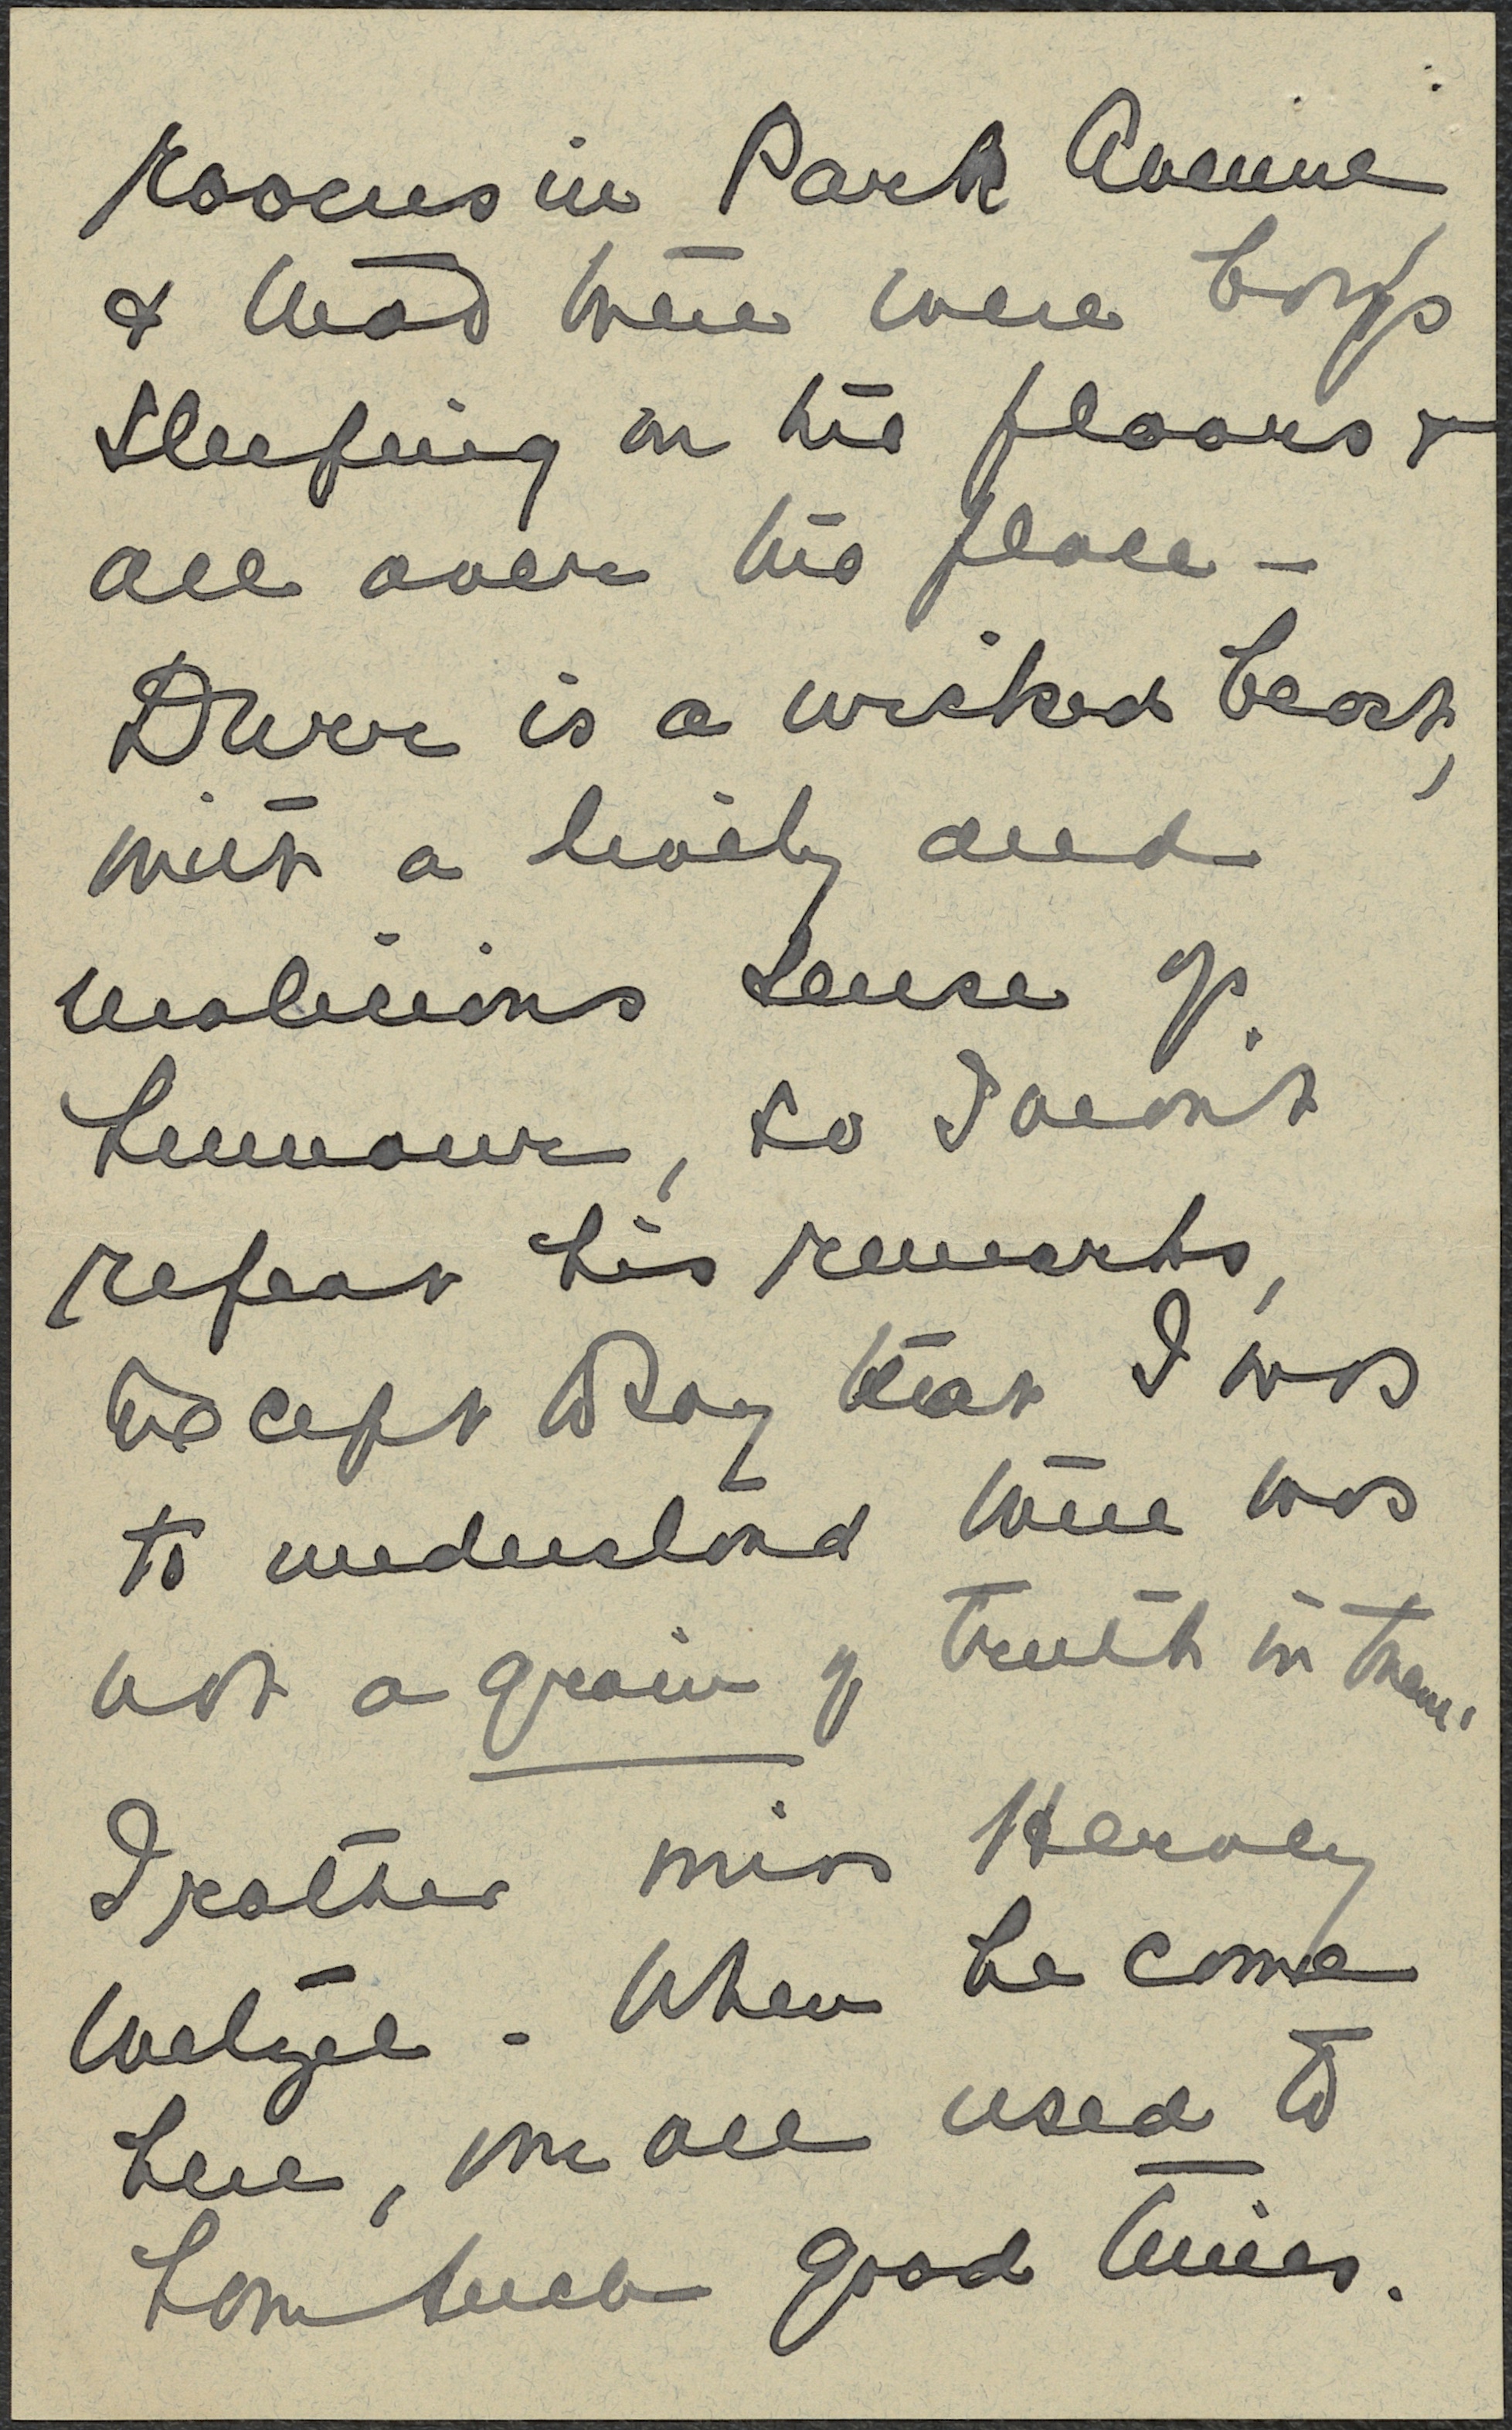rooms in Park Avenue & that there were boys sleeping on the floors & all over the place –
Durr is a wicked beast, with a lively and malicious sense of humour, so I won't repeat his remarks, except to say that I was to understand there was not a grain of truth in them.
I rather miss Hervey Wetzel – When he came here, we all used to have such good times.